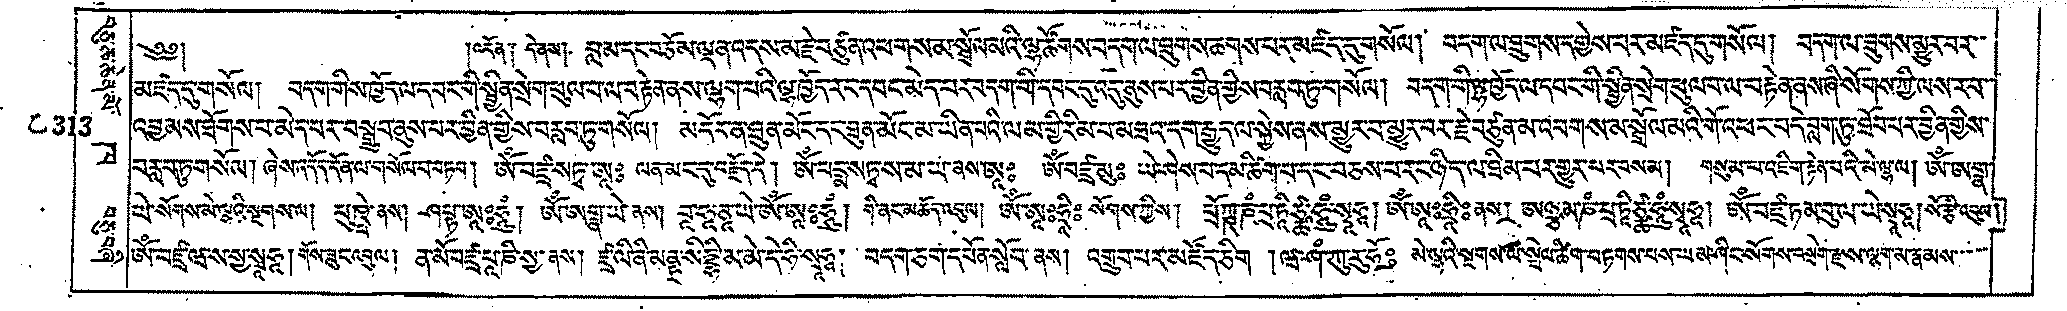༄༅། །འདོན༑ དེ་ནས།  བླ་མ་དང་བཅོམ་ལྡན་འདས་མ་རྗེ་བཙུན་འཕགས་མ་སྒྲོལ་མའི་ལྷ་ཚོགས་བདག་ལ་ཐུགས་ཆགས་པར་མཛད་དུ་གསོལ། བདག་ལ་ཐུགས་དགྱེས་པར་མཛད་དུ་གསོལ། བདག་ལ་ཐུགས་མྱུར་བར་་་
མཛད་དུ་གསོལ། བདག་གིས་ཁྱོད་ལ་དབང་གི་སྦྱིན་སྲེག་ཕུལ་བ་ལ་བརྟེན་ནས་ལྷག་པའི་ལྷ་ཁྱོད་རང་དབང་མེད་པར་བདག་གི་དབང་དུ་འདུ་ནུས་པར་བྱིན་གྱིས་བརླབ་ཏུ་གསོལ། བདག་གི་ལྷ་ཁྱོད་ལ་དབང་གི་སྦྱིན་སྲེག་ཕུལ་བ་ལ་བརྟེན་ནས་ཞི་སོགས་ཀྱི་ལས་རབ་་་
འབྱམས་ཐོགས་པ་མེད་པར་བསྒྲུབ་ནུས་པར་བྱིན་གྱིས་བརླབ་ཏུ་གསོལ། མདོར་ན་ཐུན་མོང་དང་ཐུན་མོང་མ་ཡིན་པའི་ལམ་གྱི་རིམ་པ་མཐའ་དག་རྒྱུད་ལ་སྐྱེས་ནས་མྱུར་བ་མྱུར་བར་རྗེ་བཙུན་མ་འཕགས་མ་སྒྲོལ་མའི་གོ་འཕང་བདེ་བླག་ཏུ་ཐོབ་པར་བྱིན་གྱིས་
བརླབ་ཏུ་གསོལ། ཞེས་འདོད་དོན་ལ་གསོལ་བ་བཏབ།  ཨོཾ་བཛྲ་སཏྭ་ཨཱཿ ལན་མང་དུ་བརྗོད་དེ།  ཨོཾ་པདམ་སཏྭ་ས་མ་ཡ་ནས་ཨཱཿ ཨོཾ་བཛྲ་མུཿ ཡེ་ཤེས་པ་དམ་ཚིག་པ་དང་བཅས་པ་རང་ཉིད་ལ་ཐིམ་པར་གྱུར་པར་བསམ། གསུམ་པ་འཇིག་རྟེན་པའི་མེ་ལྷ་ལ།  ཨོཾ་ཨགན་
ཡེ་སོགས་མེ་ལྷའི་སྔགས་ལ།  པུཥྤེ་ནས།  ཤཔྟ་ཨཱཿཧཱུཾ། ཨོཾ་ཨགན་ཡེ་ནས།  བཱ་ཧཱ་ནཱ་ཡེ་ཨོཾ་ཨཱཿ ཧཱུཾ། གི་ནང་མཆོད་འབུལ།  ཨོཾ་ཨཱཿཧྲཱིཿ སོགས་ཀྱིས།  པྲོཀྵ་ཎཾ་པྲ་ཏཱི་ཙྪ་ཧཱུཾ་སྭཱཧཱ། ཨོཾ་ཨཱ༑ཧྲཱིཿ ནས་ཨཉྩ་མ་ཎཾ་པྲ་ཏཱི་ཙྪ་ཧཱུཾ་སྭཱཧའ། ཨོཾ་བཛྲ་ཏམ་བུ་ལ་ཡེ་སྭཱཧཱ། སོ་རྩི་འབུལ།
ཨོཾ་བཛྲ་ཝ་ས་སྱ་སྭཱཧཱ། གོས་ཟུང་འབུལ།  ན་མོ་བཛྲ་པཱ་ཎི་སྱ་ནས།  ཛྲ་ལི་ནི་མནྟྲ་སིདྡྷི་མ་མེ་དེ་ཧི་སྭཱཧཱ། བདག་ཅག་དཔོན་སློབ་ནས།  འགྲུབ་པར་མཛོད་ཅིག །ཝ་ཤཾ་ཀུ་རུ་ཧོཿ མེ་ལྷའི་སྔགས་ལ་སྤེལ་ཚིག་བཏགས་པས་ཡམ་ཤིང་སོགས་བསྲེག་རྫས་ལྷག་མ་རྣམྶ་་་